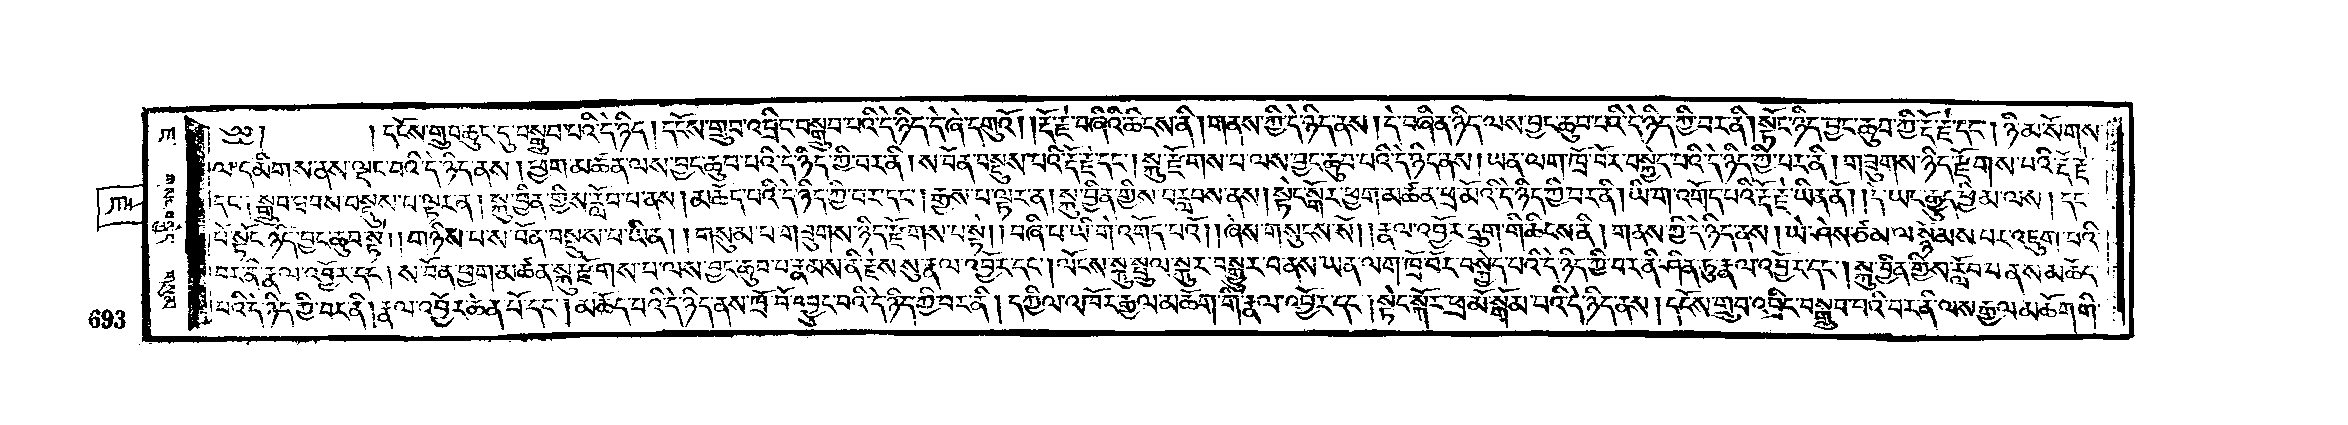༄༅། །དངོས་གྲུབ་ཆུང་དུ་བསྒྲུབ་པའི་དེ་ཉིད། དངོས་གྲུབ་འབྲིང་བསྒྲུབ་པའི་དེ་ཉིད་དེ་ཞེ་དགུའོ། །རྡོ་རྗེ་བཞིའི་ཆིངས་ནི། གནས་ཀྱི་དེ་ཉིད་ནས། དེ་བཞིན་ཉིད་ལས་བྱང་ཆུབ་པའི་དེ་ཉིད་ཀྱི་བར་ནི། སྟོང་ཉིད་བྱང་ཆུབ་ཀྱི་རྡོ་རྗེ་དང་། ཉི་མ་སོགས་
ལ་དམིགས་ནས་ལྡང་བའི་དེ་ཉིད་ནས། ཕྱག་མཚན་ལས་བྱང་ཆུབ་པའི་དེ་ཉིད་ཀྱི་བར་ནི། ས་བོན་བསྡུས་པའི་རྡོ་རྗེ་དང་། སྐུ་རྫོགས་པ་ལས་བྱང་ཆུབ་པའི་དེ་ཉིད་ནས། ཡན་ལག་ཁྲོ་བོར་བསྐྱེད་པའི་དེ་ཉིད་ཀྱི་བར་ནི། གཟུགས་ཉིད་རྫོགས་པའི་རྡོ་རྗེ་
དང༑ སྒྲུབ་ཐབས་བསྡུས་པ་ལྟར་ན། སྐུ་བྱིན་གྱིས་རློབ་པ་ནས། མཆོད་པའི་དེ་ཉིད་ཀྱི་བར་དང་། རྒྱས་པ་ལྟར་ན། སྐུ་བྱིན་གྱིས་བརླབས་ནས། སྟེང་སྒོར་ཕྱག་མཚན་ཕྲ་མོའི་དེ་ཉིད་ཀྱི་བར་ནི། ཡི་ག་འགོད་པའི་རྡོ་རྗེ་ཡིན་ནོ། །དེ་ཡང་རྒྱུད་ཕྱི་མ་ལས། དང་
པོ་སྟོང་ཉིད་བྱང་ཆུབ་སྟེ། །གཉིས་པ་ས་བོན་བསྡུས་པ་ཡིན། །གསུམ་པ་གཟུགས་ཉིད་རྫོགས་པ་སྟེ། །བཞི་པ་ཡི་གེ་འགོད་པའོ། །ཞེས་གསུངས་སོ། །རྣལ་འབྱོར་དྲུག་གི་ཆིངས་ནི། གནས་ཀྱི་དེ་ཉིད་ནས། ཡེ་ཤེས་ཙམ་ལ་སྙོམས་པར་འཇུག་པའི་
བར་ནི་རྣལ་འབྱོར་དང་། ས་བོན་ཕྱག་མཚན་སྐུ་རྫོགས་པ་ལས་བྱང་ཆུབ་པ་རྣམས་ནི་རྗེས་སུ་རྣལ་འབྱོར་དང་། ལོངས་སྐུ་སྤྲུལ་སྐུར་བསྒྱུར་བ་ནས་ཡན་ལག་ཁྲོ་བོར་བསྐྱེད་པའི་དེ་ཉིད་ཀྱི་བར་ནི་ཤིན་ཏུ་རྣལ་འབྱོར་དང་། སྐུ་བྱིན་གྱིས་རློབ་པ་ནས་མཆོད་
པའི་དེ་ཉིད་ཀྱི་བར་ནི། རྣལ་འབྱོར་ཆེན་པོ་དང་། མཆོད་པའི་དེ་ཉིད་ནས་ཁྲོ་བོ་དབྱུང་བའི་དེ་ཉིད་ཀྱི་བར་ནི། དཀྱིལ་འཁོར་རྒྱལ་མཆོག་གི་རྣལ་འབྱོར་དང་། སྟེང་སྐོར་ཕྲ་མོ་སྒོམ་པའི་དེ་ཉིད་ནས། དངོས་གྲུབ་འབྲིང་བསྒྲུབ་པའི་བར་ནི་ལས་རྒྱལ་མཆོག་གི་